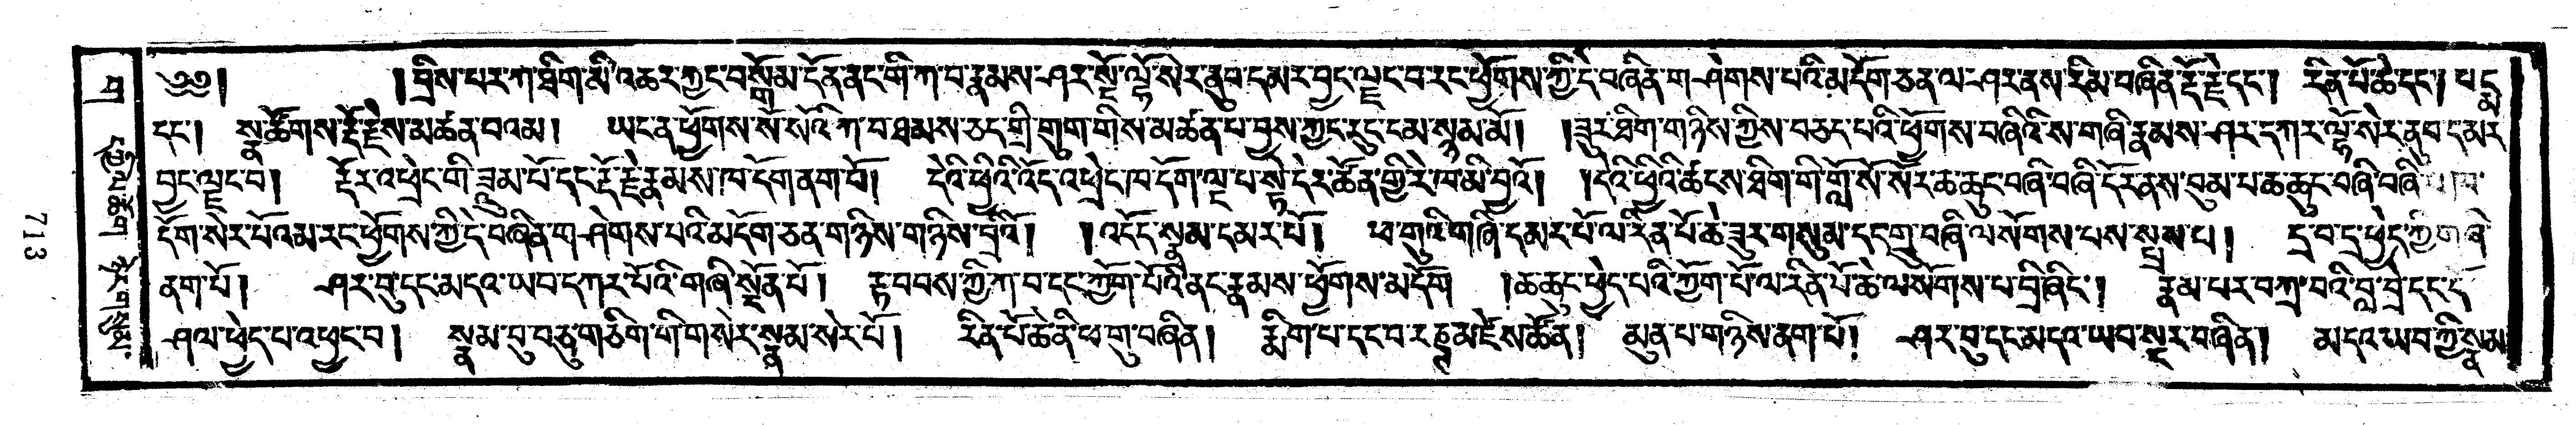༄༅། །བྲིས་པར་ཀ་ཐིག་མི་འཆར་ཀྱང་བསྒོམ་དོན་ནང་གི་ཀ་བ་རྣམས་ཤར་སྔོ་ལྷོ་སེར་ནུབ་དམར་བྱང་ལྗང་བ་རང་ཕྱོགས་ཀྱི་དེ་བཞིན་གཤེགས་པའི་མདོག་ཅན་ལ་ཤར་ནས་རིམ་བཞིན་རྡོ་རྗེ་དང་། རིན་པོ་ཆེ་དང་། པདམ་
དང་། སྣ་ཚོགས་རྡོ་རྗེས་མཚན་བའམ། ཡང་ན་ཕྱོགས་སོ་སོའི་ཀ་བ་ཐམས་ཅད་གྲི་གུག་གིས་མཚན་པ་བྱས་ཀྱང་རུང་ངམ་སྙམ་མོ། །ཟུར་ཐིག་གཉིས་ཀྱིས་བཅད་པའི་ཕྱོགས་བཞིའི་ས་གཞི་རྣམས་ཤར་དཀར་ལྷོ་སེར་ནུབ་དམར་
བྱང་ལྗང་བ། རྡོར་འཕྲེང་གི་ཟླུམ་པོ་དང་རྡོ་རྗེ་རྣམས་ཁ་དོག་ནག་བོ། དེའི་ཕྱིའི་འོད་འཕྲེང་ཁ་དོག་ལྔ་པ་སྟེ་དེར་ཚོན་གྱི་རེ་ཁ་མི་བྱའོ། །དེའི་ཕྱིའི་ཚངས་ཐིག་གི་གློ་སོ་སོར་ཆ་ཆུང་བཞི་བཞི་དོར་ནས་བུམ་པ་ཆ་ཆུང་བཞི་བཞི་པ་ཁ་
དོག་སེར་པོའམ་རང་ཕྱོགས་ཀྱི་དེ་བཞིན་གཤེགས་པའི་མདོག་ཅན་གཉིས་གཉིས་བྲིའོ། །འདོད་སྣམ་དམར་པོ། ཕ་གུའི་གཞི་དམར་པོ་ལ་རིན་པོ་ཆེ་ཟུར་གསུམ་དང་གྲུ་བཞི་ལ་སོགས་པས་སྤྲས་པ། དྲ་བ་དྲ་ཕྱེད་ཀྱི་གཞི་
ནག་པོ། ཤར་བུ་དང་མདའ་ཡབ་དཀར་པོའི་གཞི་སྔོན་པོ། རྟ་བབས་ཀྱི་ཀ་བ་དང་ཀྱོག་པོའི་ནང་རྣམས་ཕྱོགས་མདོག །ཆ་ཆུང་ཕྱེད་པའི་ཀྱོག་པོ་ལ་རིན་པོ་ཆེ་ལ་སོགས་པ་བྲི་ཞིང་། རྣམ་པར་བཀྲ་བའི་བླ་བྲེ་དང་དོ་
ཤལ་ཕྱེད་པ་འཕྱང་བ། སྣམ་བུ་བཅུ་གཅིག་གི་གསེར་སྣམ་སེར་པོ། རིན་པོ་ཆེ་ནི་ཕ་གུ་བཞིན། རྨིག་པ་དང་བ་རཎྚ་མཛེས་ཚོན། མུན་པ་གཉིས་ནག་པོ། ཤར་བུ་དང་མདའ་ཡབ་སྔར་བཞིན། མདའ་ཡབ་ཀྱི་སྣམ་